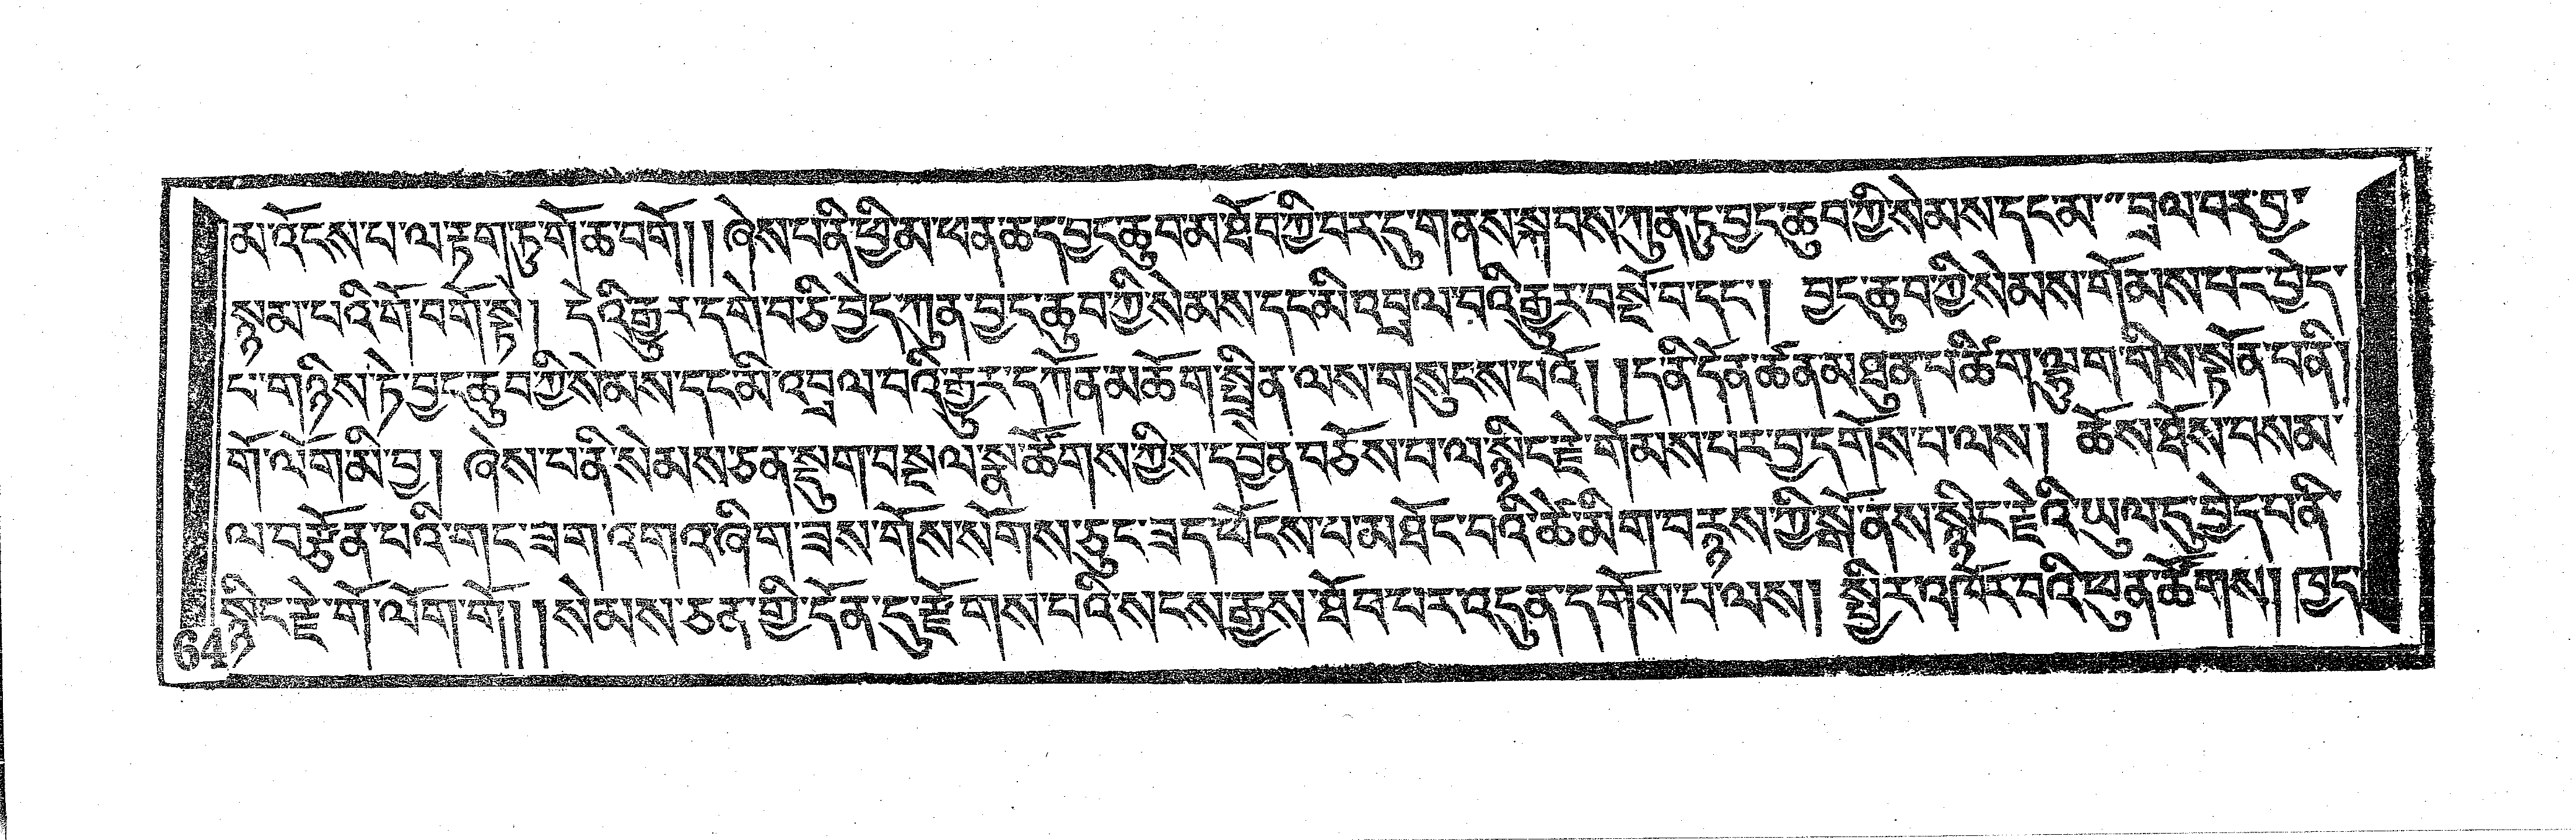མ་འོངས་པ་ལ་རྟག་ཏུ་གོ་ཆ་བགོ། །ཞེས་པ་ནི་ཕྱི་མ་ཕན་ཆད་བྱང་ཆུབ་མ་ཐོབ་ཀྱི་བར་དུ་གནས་སྐབས་ཀུན་ཏུ་བྱང་ཆུབ་ཀྱི་སེམས་དང་མ་བྲལ་བར་བྱ་
སྙམ་པའི་གོ་བགོ་སྟེ། དེའི་རྒྱུར་དགེ་བ་ཅི་བྱེད་ཀུན་བྱང་ཆུབ་ཀྱི་སེམས་དང་མི་འབྲལ་བའི་རྒྱུར་བསྔོ་བ་དང་། བྱང་ཆུབ་ཀྱི་སེམས་གོམས་པར་བྱེད་
པ་གཉིས་ཏེ་བྱང་ཆུབ་ཀྱི་སེམས་དང་མི་འབྲལ་བའི་རྒྱུར་དཀོན་མཆོག་སྤྲིན་ལས་གསུངས་པའོ། །ད་ནི་དོན་ཚན་མཐུན་པ་ཚིག་ལྷུག་གིས་སྟོན་པ་ནི།
གོ་ལོག་མི་བྱ། ཞེས་པ་ནི་སེམས་ཅན་སྡུག་བསྔལ་སྣ་ཚོགས་ཀྱིས་དབྱེ་ན་བཅོས་པ་ལ་སྙིང་རྗེ་གོམས་པར་བྱ་དགོས་པ་ལས། ཆོས་ཐོས་བསམ་
ལ་བརྩོན་པའི་གང་ཟག་འགའ་ཞིག་ཟས་གོས་སོགས་ཅུང་ཟད་ཕོངས་པ་མཐོང་བའི་ཚེ་མིག་བརྙས་ཀྱི་སྒོ་ནས་སྙིང་རྗེའི་ཡུལ་དུ་བྱེད་པ་ནི་
སྙིང་རྗེ་གོ་ལོག་གོ ། །སེམས་ཅན་གྱི་དོན་དུ་རྫོགས་པའི་སངས་རྒྱས་ཐོབ་པར་འདུན་དགོས་པ་ལས། སྤྱིར་འཁོར་བའི་ཕུན་ཚོགས། ཁྱད་